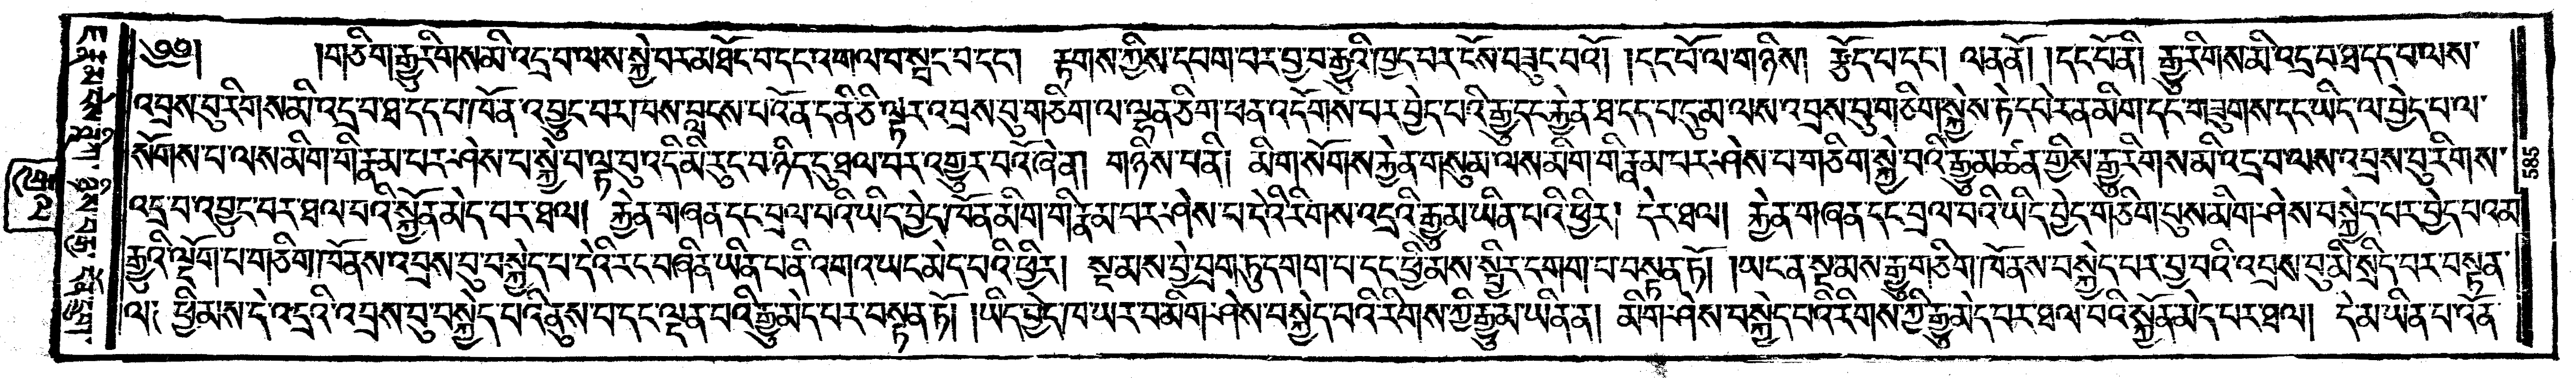༄༅། །གཅིག་རྒྱུ་རིགས་མི་འདྲ་བ་ལས་སྐྱེ་བར་མཐོང་བ་དང་འགལ་བ་སྤང་བ་དང་། རྟགས་ཀྱིས་དཔག་པར་བྱ་བ་རྒྱུའི་ཁྱད་པར་ངོས་བཟུང་བའོ། །དང་པོ་ལ་གཉིས། རྩོད་པ་དང་། ལན་ནོ། །དང་པོ་ནི། རྒྱུ་རིགས་མི་འདྲ་བ་ཐ་དད་པ་ལས་
འབྲས་བུ་རིགས་མི་འདྲ་བ་ཐ་དད་པ་ཁོ་ན་འབྱུང་བར་ཁས་བླངས་པ་འོ་ན་ད་ནི་ཅི་ལྟར་འབྲས་བུ་གཅིག་ལ་ལྷན་ཅིག་ཕན་འདོགས་པར་བྱེད་པའི་རྒྱུ་དང་རྐྱེན་ཐ་དད་པ་དུ་མ་ལས་འབྲས་བུ་གཅིག་སྐྱེས་ཏེ་དཔེར་ན་མིག་དང་གཟུགས་དང་ཡིད་ལ་བྱེད་པ་ལ་
སོགས་པ་ལས་མིག་གི་རྣམ་པར་ཤེས་པ་སྐྱེ་བ་ལྟ་བུ་འདི་མི་རུང་བ་ཉིད་དུ་ཐལ་བར་འགྱུར་བའོ་ཞེ་ན། གཉིས་པ་ནི། མིག་སོགས་རྐྱེན་གསུམ་ལས་མིག་གི་རྣམ་པར་ཤེས་པ་གཅིག་སྐྱེ་བའི་རྒྱུ་མཚན་གྱིས་རྒྱུ་རིགས་མི་འདྲ་བ་ལས་འབྲས་བུ་རིགས་
འདྲ་བ་འབྱུང་བར་ཐལ་བའི་སྐྱོན་མེད་པར་ཐལ། རྐྱེན་གཞན་དང་བྲལ་བའི་ཡིད་བྱེད་ཁོ་ན་མིག་གི་རྣམ་པར་ཤེས་པ་དེའི་རིགས་འདྲའི་རྒྱུ་མ་ཡིན་པའི་ཕྱིར། དེར་ཐལ། རྐྱེན་གཞན་དང་བྲལ་བའི་ཡིད་བྱེད་གཅིག་པུས་མིག་ཤེས་བསྐྱེད་པར་བྱེད་པའམ་
རྒྱུའི་ལྡོག་པ་གཅིག་ཁོ་ནས་འབྲས་བུ་བསྐྱེད་པ་དེའི་རང་བཞིན་ཡིན་པ་ནི་འགའ་ཡང་མེད་པའི་ཕྱིར། སྔ་མས་བྱེ་བྲག་ཏུ་དགག་པ་དང་ཕྱི་མས་སྤྱིར་དགག་པ་བསྟན་ཏོ། །ཡང་ན་སྔ་མས་རྒྱུ་གཅིག་ཁོ་ནས་བསྐྱེད་པར་བྱ་བའི་འབྲས་བུ་མི་སྲིད་པར་བསྟན་
ལ། ཕྱི་མས་དེ་འདྲའི་འབྲས་བུ་བསྐྱེད་པའི་ནུས་པ་དང་ལྡན་པའི་རྒྱུ་མེད་པར་བསྟན་ཏོ། །ཡིད་བྱེད་ཁ་ཡར་བ་མིག་ཤེས་བསྐྱེད་པའི་རིགས་ཀྱི་རྒྱུ་མ་ཡིན་ན། མིག་ཤེས་བསྐྱེད་པའི་རིགས་ཀྱི་རྒྱུ་མེད་པར་ཐལ་བའི་སྐྱོན་མེད་པར་ཐལ། དེ་མ་ཡིན་པ་འོན་